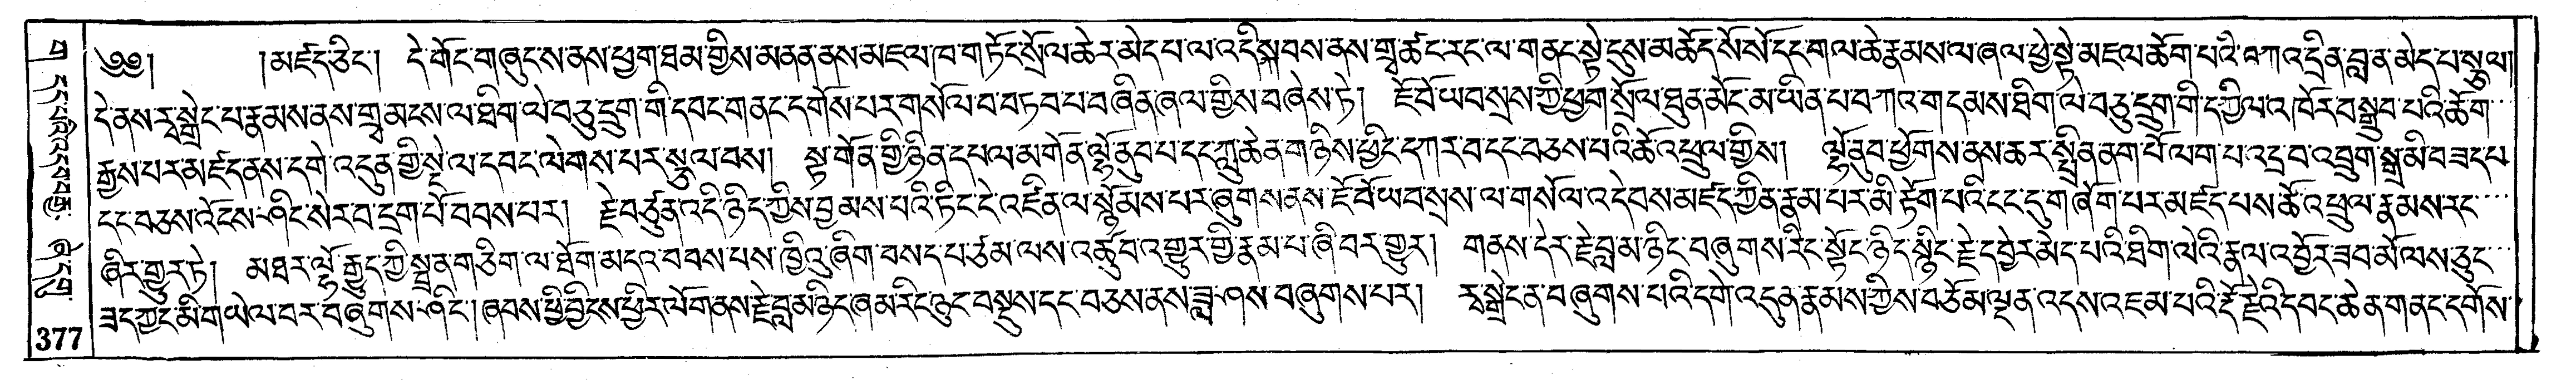༄༅། །མཛད་ཅིང་། དེ་གོང་གཞུང་ས་ནས་ཕྱག་ཐམ་གྱིས་མནན་ནས་མཇལ་ཁ་གཏོང་སྲོལ་ཆེར་མེད་པ་ལ་འདི་སྐབས་ནས་གྲྭ་ཚང་རང་ལ་གནང་སྟེ་དུས་མཆོད་སོ་སོ་དང་གལ་ཆེ་རྣམས་ལ་ཞལ་ཕྱེ་སྟེ་མཇལ་ཆོག་པའི་བཀའ་དྲིན་བླ་ན་མེད་བ་སྩལ།
དེ་ནས་རྭ་སྒྲེང་པ་རྣམས་ནས་གྲྭ་མདས་ལ་ཐིག་ལེ་བཅུ་དྲུག་གི་དབང་གནང་དགོས་པར་གསོལ་བ་བཏབ་པ་བཞིན་ཞལ་གྱིས་བཞེས་ཏེ། ཇོ་བོ་ཡབ་སྲས་ཀྱི་ཕྱག་སྲོལ་ཐུན་མོང་མ་ཡིན་པ་བཀའ་གདམས་ཐིག་ལ་བཅུ་དྲུག་གི་དཀྱིལ་འཁོར་བསྒྲུབ་པའི་ཆོ་ག་
རྒྱས་པར་མཛད་ནས་དགེ་འདུན་གྱི་སྡེ་ལ་དབང་ལེགས་པར་སྩལ་བས། སྟ་གོན་གྱི་ཉིན་དཔལ་མགོན་ལྷོ་ནུབ་པ་དང་ཀླུ་ཆེན་གཉིས་ཕྱིད་དཀར་བ་དང་བཅས་པའི་ཆོ་འཕྲུལ་གྱིས། ལྷོ་ནུབ་ཕྱོགས་ནས་ཆར་སྤྲིན་ནག་པོ་ལག་པ་འདྲ་བ་འབྲུག་སྒྲ་མི་བཟད་པ་
དང་བཅས་འོངས་ཤིང་སེར་བ་དྲག་པོ་བབས་པར། རྗེ་བཙུན་འདི་ཉིད་ཀྱིས་བྱམས་པའི་ཏིང་ངེ་འཛིན་ལ་སྙོམས་པར་ཞུགས་ནས་ཇོ་བོ་ཡབ་སྲས་ལ་གསོལ་འདེབས་མཛད་ཀྱིན་རྣམ་པར་མི་རྟོག་པའི་དང་དུ་གཞོག་པར་མཛད་པས་ཆོ་འཕྲུལ་རྣམས་རང་
ཞིར་གྱུར་ཏེ། མཐར་ལྷོ་རྒྱུད་ཀྱི་སྦྲན་གཅིག་ལ་ཐོག་མདའ་བབས་པས་ཁྱིའུ་ཞིག་བསད་པ་ཙམ་ལས་འཚུབ་འགྱུར་གྱི་རྣམ་བཞི་བར་གྱུར། གནས་དེར་རྗེ་བླ་མ་ཉིད་བཞུགས་རིང་སྟོང་ཉིད་སྙིང་རྗེ་དབྱེར་མེད་པའི་ཐིག་ལེའི་རྣལ་འབྱོར་ཟབ་མོ་ལས་ཅུང་
ཟད་ཀྱང་མི་གཡེལ་བར་བཞུགས་ཤིང་། ཞབས་ཕྱི་བྱིངས་ཕྱིར་ལོག་ནས་རྗེ་བླ་མ་ཉིད་ཞམ་རིང་ཉུང་བསྡུས་དང་བཅས་ནས་ཟླ་ཤས་བཞུགས་པར། རྭ་སྒྲེང་ན་བཞུགས་པའི་དགེ་འདུན་རྣམས་ཀྱིས་བཅོམ་ལྡན་འདས་འཇམ་པའི་རྡོ་རྗེའི་དབང་ཆེན་གནང་དགོས་